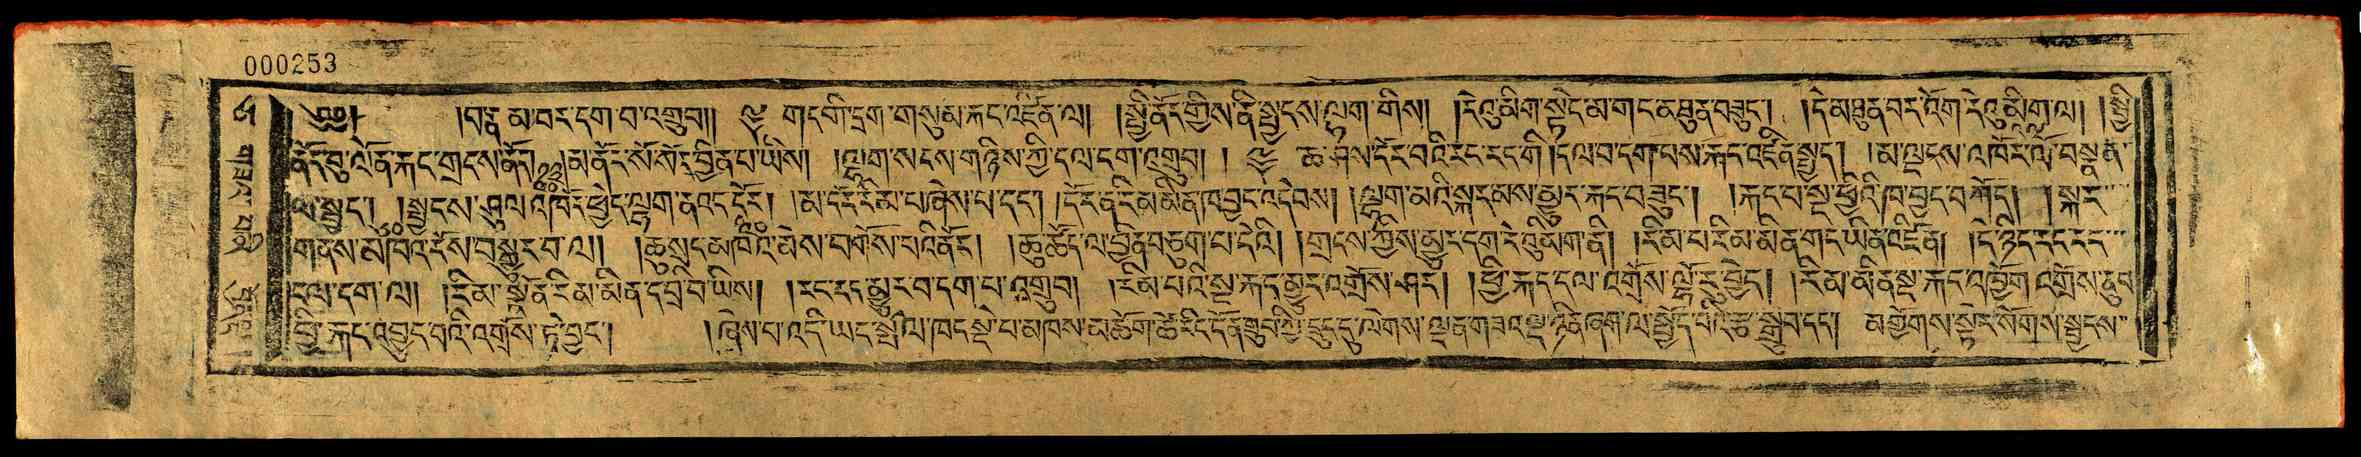༄༅། །བ་རྣམ་པར་དག་པ་འགྲུབ།། འ་གོང་གི་དྲག་གསུམ་རྐང་འཛིན་ལ། །སྤྱི་ནོར་གྱིས་ནི་སྦྱངས་ལྷག་གིས། །རེའུ་མིག་སྟེང་མ་གང་མཐུན་བཟུང་། །དེ་མཐུན་པར་འོག་རེའུ་མིག་ལ། །སྤྱི་
ནོར་བུ་ལོན་རྐང་གྲངས་ནོར། །མ་ནོར་སོ་སོར་བྱིན་པ་ཡིས། །ལྷག་སངས་གཉིས་ཀྱི་ངལ་དག་འགྲུབ། ། འ་ཆ་ཤས་དོར་བའི་རང་རང་གི །དལ་བ་དག་པས་རྐང་འཛིན་སྦྱང་། །མ་ལྡངས་འཁོར་ལོ་བསྣན་
ལ་སྦྱང་། །སྦྱངས་ཤུལ་འཁོར་ཕྱེད་ལྷག་ནའང་ངོར། །མ་དོར་རིམ་པ་ཞེས་པ་དང་། །དོར་ན་རིམ་མིན་ཁ་བྱང་འདེབས། །ལྷག་མའི་སྐར་མས་མྱུར་རྐང་བཟུང་། །རྐང་པ་སྔ་ཕྱིའི་ཁ་བྱང་བཀོད། །སྐར་
གནས་མཁའ་རོལ་བསྒྱུར་བ་ལ། །ཆུ་སྲང་མཁའ་མེས་བགོས་པའི་ནོར། །ཆུ་ཚོད་ལ་བྱིན་བཅུག་པ་དེའི། །གྲངས་ཀྱིས་མྱུར་དག་རེའུ་མིག་ནི། །རིམ་པ་རིམ་མིན་གང་ཡིན་འཛིན། །དེ་ཉིད་རང་རང་
དལ་དག་ལ། །རིམ་སྣོན་རིམ་མིན་དབྲི་བ་ཡིས། །རང་རང་མྱུར་བ་དག་པ་འགྲུབ། །རིམ་པའི་སྔ་རྐང་མར་འགྲོས་ཤར། །ཕྱི་རྐང་དལ་འགྲོས་ལྷོ་རུ་བྱེད། །རིམ་མིན་སྔ་རྐང་འཁྱོག་འགྲོས་ནུབ་
ཕྱི་རྐང་འབྱུང་བའི་འགྲེས་ཏེ་བྱང་། །ཞེས་པ་འདི་ཡང་སྤེལ་ཁང་སྡེ་པ་མཁས་མཆོག་ཚེ་རིང་དོན་གྲུབ་ཀྱི་དྲུང་དུ་ལེགས་ལྡན་གཟའ་ལྔ་ཉིན་ཞག་ལ་སྤྱོད་པའི་རྩ་སྒྲུབ་དང་། མགྱོགས་སྟེར་སོགས་སྦྱངས་